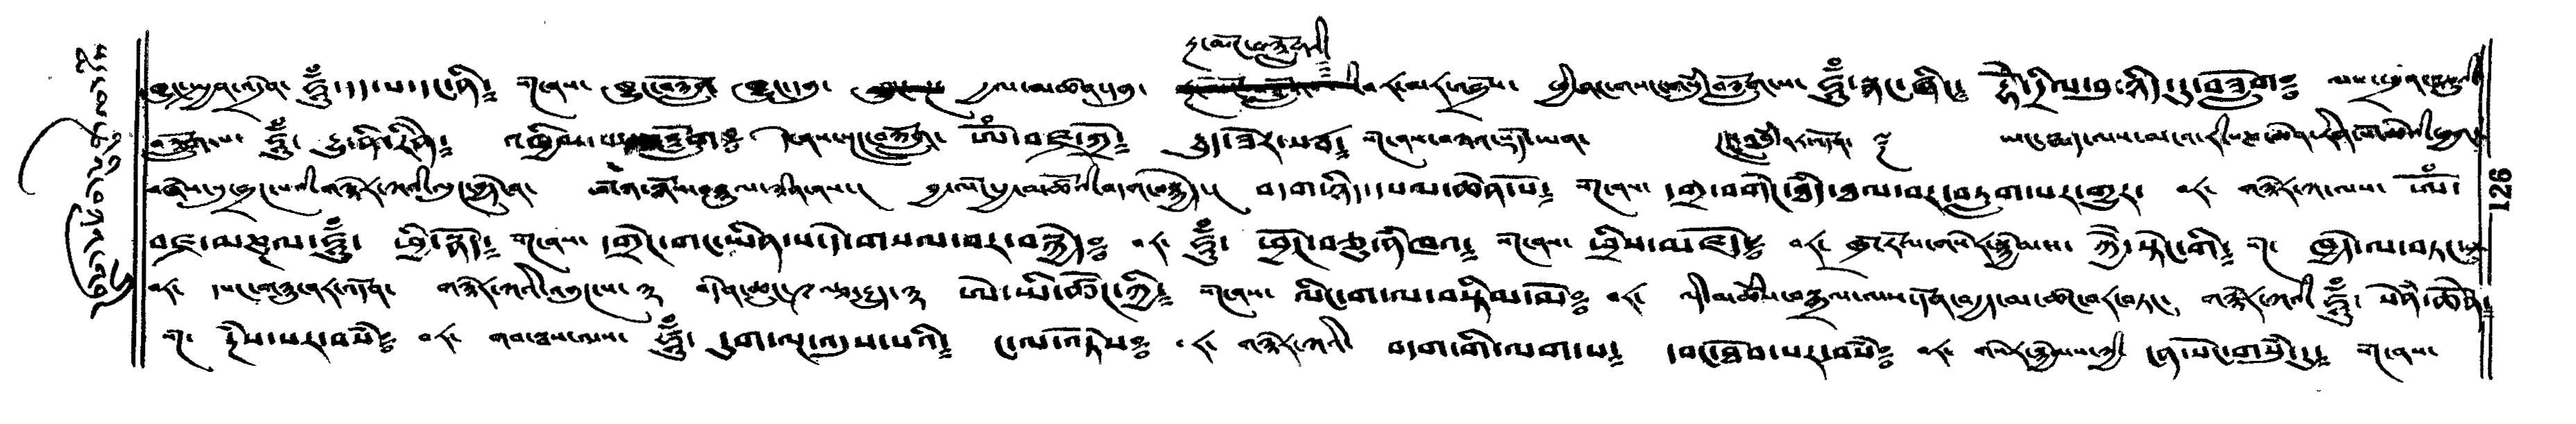ཁྱུང་སྤྱན་འདྲེན། ཧཱུྃ༔ དད་པ་དང་ནི༴ སོགས་ནས། ཁྱུང་ཟློག ཁྱུང་དགུ རྒྱལ་མཚན་དགུ། རྔ་མོང་ཟློག་པའི་བར་མར་འགྲོས།ཕྱི་ནང་གསང་གསུམ་ཟློག་པ། ཧཱུྃ༔སྣང་ཞིང་༴ རྡོ་རྗེ་དྲིལ་བུ་ཉིད་དུ་བཟློག༔ ལས་ཕྲན་བཅུའི་
ཟློག་པ། ཧཱུྃ༔ རྒྱུ་ནི་རིན་ཆེན༴ འཁྱིམ་པར་བཟློགཿ དེ་ནས་སྔགས་ཟློག ཨོཾ་བཛྲ་ཀྲོ༴ རྦུད་ཟོར་སརྦ༴ སོགས་ནས་བཀའ་སྡོད་ཡན། སྔགས་འབུམ་ནར་འདོན། ༈ ཡང་སྨད་ལས་མངའ་རིས་པཎ་ཆེན་རིན་པོ་ཆེའི་ཕྱག་
བཞེས་སུ་གྲགས་པའི་གཟེར་ཀའི་ལུགས་བྱེད་ན། ཕོ་ཉ་སྒོས་སྐུལ་ཟིན་ནས། བྱ་ལོང་རྒྱ་མཚོའི་བདག་སྐྱེད། བདག་ཉིད་དཔལ་ཆེན་པོ༴ སོགས་ནས། དགྲ་བགེགས་ཐམས་ཅད་ཐལ་བར་བརླག་པར་གྱུར༔ བར། གཟེར་ཀ་ལས། ཨོཾ་
བཛྲ་མཎྜལ་ཧཱུྃ༔ ཕྱི་སྣོད༴ སོགས་ནས། དགྲ་བགེགས་གང་ཡིན་པ་དེ་གསལ་བར་བསྐྱེད༔ བར། ཧཱུྃ༔ ཕྱོགས་བཅུ་ནམ་མཁའ༴ སོགས་ནས། ཕྲིན་ལས་མཛོད༔ བར། ཁྲོ་རོལ་གསེར་སྐྱེམས། ཀྱཻཿསྟེང་གི༴ སོགས། ཁྱོད་ལ་བཏང༔ 
བར། དཔང་གཟུ་ནར་འདོན། གཟེར་ཀའི་འགུགས་པ་ལན་གསུམ། བདེན་ཆུང་ལན་དགུ། རྩ་རྒྱུད་ལན་གསུམ། ཨེ་ཡི་ཚོགས་ཀྱི༴ སོགས་ནས། ལིང་ག་ལ་བསྟིམ་མོ༔ བར། འདི་མཚམས་བསྒྲལ་ལས་དོན་བརྒྱད་མ་ཚང་བར་གཏང་། གཟེར་ཀའི། ཧཱུྃ༔ སེམས་ཅན་ཆེན་པོ༴ 
སོགས། རྔམ་པར་བསམ། བར། གབ་སྦས་ལས། ཧཱུྃ༔ དུག་ལྔ་འདུས་པའི༴ ང་ལ་ལྟོས༔ བར། གཟེར་ཀའི། བདག་གི་ལག་པ༴ དབང་ཐོབ་པར་བསམ༔ བར། གསེར་སྐྱེམས་ཀྱི། ངན་སོང་གསུམ་དུ༴ སོགས་ནས་